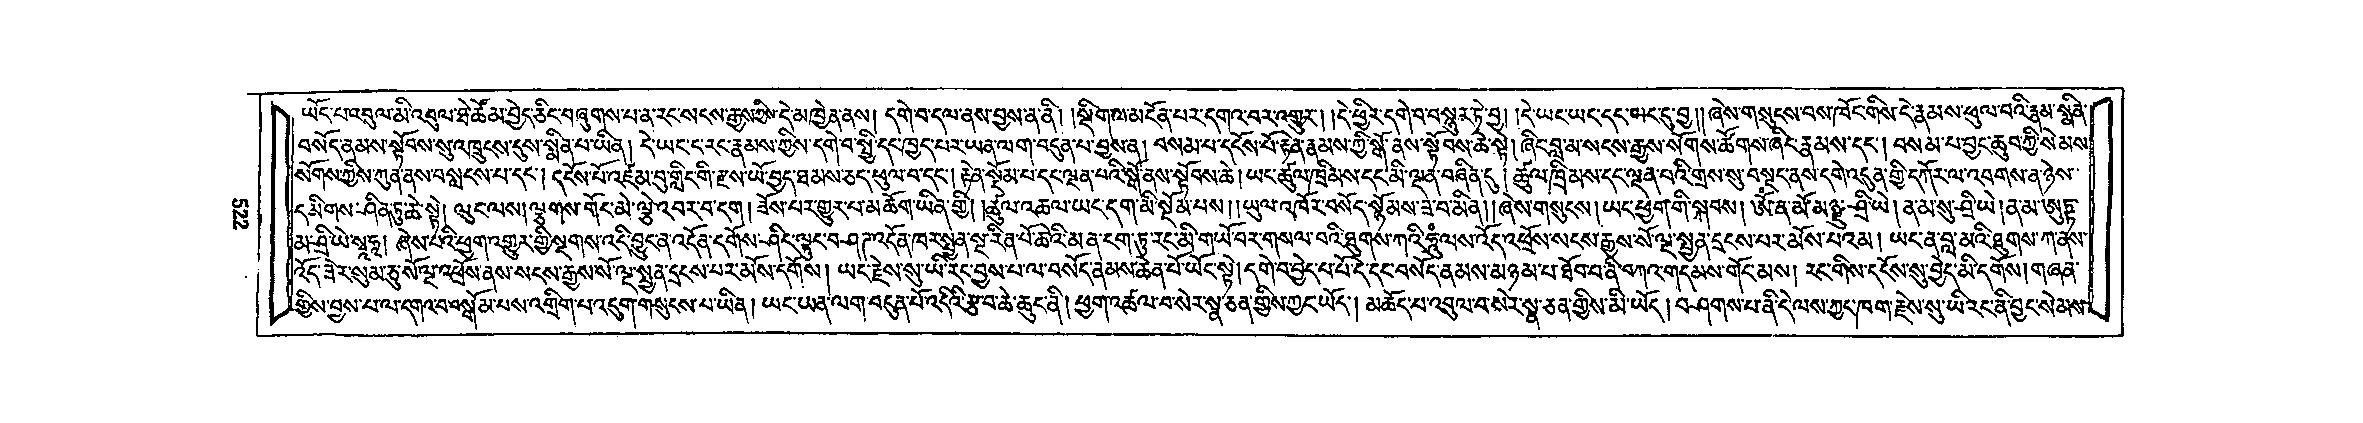ཡོད་པ་འབུལ་མི་འབུལ་ཐེ་ཚོམ་བྱེད་ཅིང་བཞུགས་པ་ན་རང་སངས་རྒྱས་ཀྱིས་དེ་མཁྱེན་ནས། དགེ་བ་དལ་ནས་བྱས་ན་ནི། །སྡིག་ལ་མངོན་པར་དགའ་བར་འགྱུར། །དེ་ཕྱིར་དགེ་བ་བསྙུར་ཏེ་བྱ། །དེ་ཡང་ཡང་དང་ཡང་དུ་བྱ། །ཞེས་གསུངས་བས་ཁོང་གིས་དེ་རྣམས་ཕུལ་བའི་རྣམ་སྨིན་
བསོད་ནམས་སྟོབས་སུ་འཁྲུངས་དུས་སྨིན་པ་ཡིན། དེ་ཡང་ང་རང་རྣམས་ཀྱིས་དགེ་བ་སྤྱི་དང་ཁྱད་པར་ཡན་ལག་བདུན་པ་བྱས་ན། བསམ་པ་དངོས་པོ་རྟེན་རྣམས་ཀྱི་སྒོ་ནས་སྟོབས་ཆེ་སྟེ། ཞིང་བླ་མ་སངས་རྒྱས་སོགས་ཚོགས་ཞིང་རྣམས་དང་། བསམ་པ་བྱང་ཆུབ་ཀྱི་སེམས་
སོགས་ཀྱིས་ཀུན་ནས་བསླངས་པ་དང་། དངོས་པོ་འཛམ་བུ་གླིང་གི་རྫས་ཡོ་བྱད་ཐམས་ཅད་ཕུལ་བ་དང་། རྟེན་སྡོམ་པ་དང་ལྡན་པའི་སྒོ་ནས་སྟོབས་ཆེ། ཡང་ཚུལ་ཁྲིམས་དང་མི་ལྡན་བཞིན་དུ། ཚུལ་ཁྲིམས་དང་ལྡན་པའི་གྲས་སུ་བསྡད་ནས་དགེ་འདུན་གྱི་དཀོར་ལ་འབགས་ན་ཉེས་
དམིགས་ཤིན་ཏུ་ཆེ་སྟེ། ལུང་ལས། ལྕགས་གོང་མེ་ལྕེ་འབར་བ་དག །ཟོས་པར་གྱུར་པ་མཆོག་ཡིན་གྱི། །ཚུལ་འཆལ་ཡང་དག་མི་སྡོམ་པས། །ཡུལ་འཁོར་བསོད་སྙོམས་ཟ་བ་མིན། །ཞེས་གསུངས། ཡང་ཕྱག་གི་སྐབས། ཨོཾ་ན་མོ་མཉྫུ་ཤྲི་ཡེ། ན་མ་སུ་ཤྲི་ཡེ། ན་མ་ཨུཏྟ་
མ་ཤྲི་ཡེ་སྭཱཧཱ། ཞེས་པའི་ཕྱག་འགྱུར་གྱི་སྔགས་འདི་བྱུང་ན་འདོན་དགོས་ཤིང་ལྟུང་བཤགས་འདོན་ཁར་སྤྱན་སྔ་རིན་པོ་ཆེའི་མན་ངག་ཏུ་རང་མི་གཡོ་བར་གསལ་བའི་ཐུགས་ཀའི་ཧཱུཾ་ལས་འོད་འཕྲོས་སངས་རྒྱས་སོ་ལྔ་སྤྱན་དྲངས་པར་མོས་པའམ། ཡང་ན་བླ་མའི་ཐུགས་ཀ་ནས་
འོད་ཟེར་སུམ་ཅུ་སོ་ལྔ་འཕྲོས་ནས་སངས་རྒྱས་སོ་ལྔ་སྤྱན་དྲངས་པར་མོས་དགོས། ཡང་རྗེས་སུ་ཡི་རང་བྱས་པ་ལ་བསོད་ནམས་ཆེན་པོ་ཡོང་སྟེ། དགེ་བ་བྱེད་པ་པོ་དེ་དང་བསོད་ནམས་མཉམ་པ་ཐོབ་པ་ནི་བཀའ་གདམས་གོང་མས། རང་གིས་དངོས་སུ་བྱེད་མི་དགོས། གཞན་
གྱིས་བྱས་པ་ལ་དགའ་བ་བསྒོམ་པས་འགྲིག་པ་འདུག་གསུངས་པ་ཡིན། ཡང་ཡན་ལག་བདུན་པོ་འདིའི་རྩ་བ་ཆེ་ཆུང་ནི། ཕྱག་འཚལ་བ་སེར་སྣ་ཅན་གྱིས་ཀྱང་ཡོད། མཆོད་པ་འབུལ་བ་སེར་སྣ་ཅན་གྱིས་མི་ཡོད། བཤགས་པ་ནི་དེ་ལས་ཀྱང་ཁག་རྗེས་སུ་ཡི་རང་ནི་བྱང་སེམས་